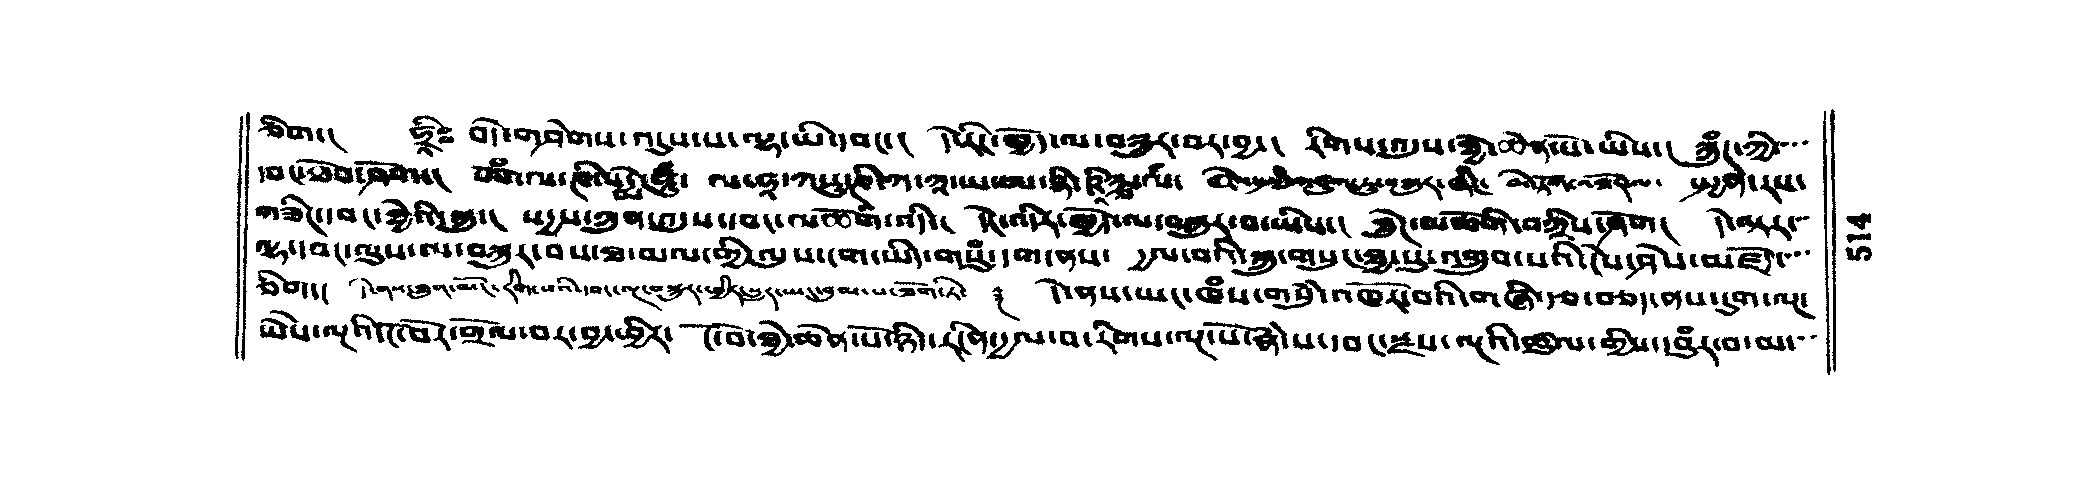ཅིག ཧྲཱིཿ བདེ་བཤེགས་འདུས་པ་ལྷ་ཡི་དབང་། །དེ་རིང་ཁྱོད་ལ་བསྐུར་བར་བྱ། །རིགས་འདུས་ཐུགས་རྗེ་ཆེན་པོ་ཡིས། །སྐུ་གསུང་ཐུགས་ཀྱི་
དབང་ཐོབ་ཤོག ཨོཾ་མ་ཎི་པདྨེ་ཧཱུྃ། མ་ཧཱ་ཀ་རུ་ཎི་ཀ་ཀཱ་ཡ་ཨ་བྷི་རིའཉྩ་མཾ། ཞེས་སྤྱི་གཙུག་ཏུ་བསྐུར་ཞིང་མེ་ཏོག་འཐོར་ལ། སྤྱན་རས་
གཟིགས་དབང་ཐུགས་རྗེའི་སྐུ། །སངས་རྒྱས་ཀུན་འདུས་དབང་མཆོག་འདི། །དེང་འདིར་ཁྱོད་ལ་བསྐུར་བ་ཡིས། །ཐུགས་རྗེ་མཆོག་གི་བཀྲ་ཤིས་ཤོག དེ་ལྟར་
ལྷ་དབང་ལུས་ལ་བསྐུར་ནས་ཐ་མལ་གྱི་ལུས་ངག་ཡིད་གསུམ་དག་ནས། རྒྱལ་བའི་སྐུ་གསུང་ཐུགས་སུ་འགྲུབ་པའི་ངེས་ཤེས་མཛོད་
ཅིག དེ་ནས་ཐུན་མོང་རིག་པའི་དབང་ལྔ་བསྐུར་ཕྱིར་སླར་ཡང་བུམ་པ་ཐོགས་ཏེ། དེ་ནས་ཁམས་གསུམ་འཁོར་བའི་གཞི་རྩ་བཅད་ནས་དུག་ལྔ་
ཡེ་ཤེས་ལྔའི་ངོ་བོར་གྲོལ་བར་བྱ་ཕྱིར། ངོ་བོ་ཐུགས་རྗེ་ཆེན་པོ་ཉིད་རང་བཞིན་རྒྱལ་བ་རིགས་ལྔ་པོ་རྣམ་པ་དབང་རྫས་ལྔའི་དབང་བསྐུར་བ་ལ་